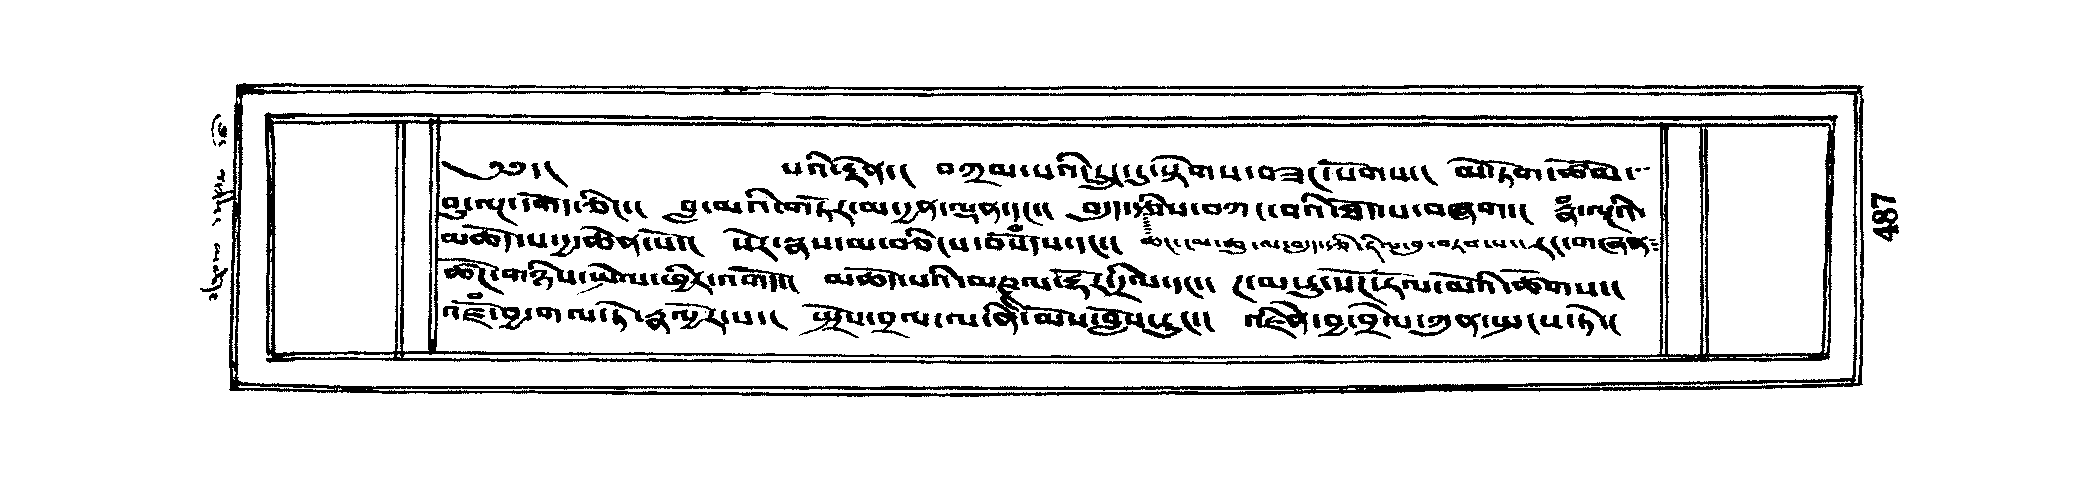པའི་རྟེན། །བཀྲམ་པའི་དྲུང་དུ་སྟེགས་བཟང་སོགས། །མེ་ཏོག་ཚོམ་
བུ་ལྔ་འགོད་ཅིང་། །བླ་མའི་གཏོར་མ་རྒྱན་ལྡན་དང་། །བདུད་རྩིས་ ཆག་ངམ་ཆུ་ལ་བདུད་རྩི་རིལ་བུ་བཏབས། བཀང་བའི་ཐོད་པ་བཞག་།རྣམ་ལྔའི་
མཆོད་པ་རྒྱ་ཆེན་པོ། །སེར་སྣས་མ་བཅིང་བསོད་ནམས་དང་། །རང་གཞན་
ཚོགས་གཉིས་སྤེལ་ཕྱིར་འགོད། །མཆོད་པའི་མཎྜད་རྡོར་དྲིལ་དང་། །ཌ་མ་རུ་སོགས་རོལ་མོའི་ཚོགས། །
འཛོམ་་བྱ་གལ་ཏེ་རྣལ་འབྱོར་པ། །སྤྲོས་བྲལ་ལ་ནི་མོས་བློས་རུང་། །འཇིག་རྟེན་བྱ་བྲེལ་ཀུན་སྤངས་ཏེ། །